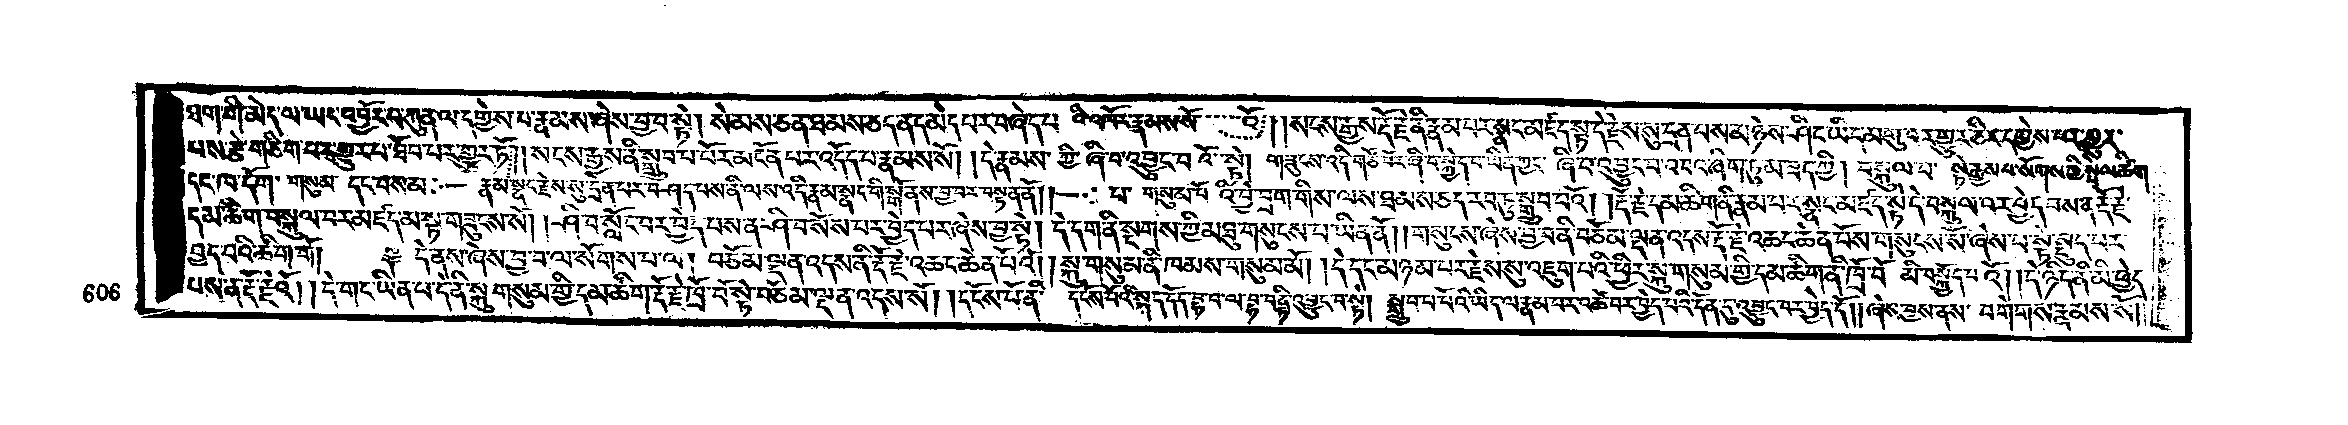ཐག་གི་མེད་ལ་ཡང་འབྱོར་བ་ཀུན་ལ་དགྱེས་བ་རྣམས་ཞེས་བྱ་བ་སྟེ། སེམས་ཅན་ཐམས་ཅད་ནད་མེད་པར་བཞེད་པའི་འཁོར་རྣམས་སོ་འོ། །སངས་རྒྱས་རྡོ་རྗེ་ནི་རྣམ་པར་སྣང་མཛད་སྟེ་དེ་རྗེས་སུ་དྲན་པས་མཉེས་ཤིང་ཡིད་མགུ་བར་གྱུར་ཅིང་དགྱེས་པར་གྱུར་
པས་རྩེ་གཅིག་པར་གྱུར་པ་ཐོབ་པར་གྱུར་ཏོ། །སངས་རྒྱས་ནི་སྒྲུབ་པ་པོར་མངོན་པར་འདོད་པ་རྣམས་སོ། །དེ་རྣམས་ཀྱི་ཞི་བ་འབྱུང་བའོ་སྟེ། གཟུངས་འདི་གཙོ་བོར་ཞི་བ་སྐྱེད་པ་ཡིན་ཀྱང་ཞི་བ་འབྱུང་བ་འབའ་ཞིག་ཏུ་མ་ཟད་ཀྱི། བསྐུལ་བ་སྟེ་རྒྱས་པ་སོགས་ཀྱི་སྤེལ་ཚིག་
དང་ཁ་དོག་གསུམ་དང་བསམ་རྣམ་སྣང་རྗེས་སུ་དྲན་པར་བཤད་པས་ནི་ལས་འདི་རྣམ་སྣང་གི་སྒོ་ནས་བྱ་བར་བསྟན་ནོ།།  པ་གསུམ་པོའི་བྱེ་བྲག་གིས་ལས་ཐམས་ཅད་རབ་ཏུ་སྒྲུབ་པའོ། །རྡོ་རྗེ་དམ་ཚིག་ནི་རྣམ་པར་སྣང་མཛད་སྟེ་དེ་བསྐུལ་བར་བྱེད་པས་ན་རྡོ་རྗེ་
དམ་ཚིག་བསྐུལ་བར་མཛད་མ་སྟེ་གཟུངས་སོ། །ཤི་བ་སློང་བར་བྱེད་པས་ན་ཤི་བ་སོས་པར་བྱེད་པར་ཞེས་བྱ་སྟེ། དེ་དག་ནི་སྔགས་ཀྱི་མཐུ་གསུངས་པ་ཡིན་ནོ། །གསུངས་ཞེས་བྱ་བ་ནི་བཅོམ་ལྡན་འདས་རྡོ་རྗེ་འཆང་ཆེན་པོས་གསུངས་སོ་ཞེས་པ་སྟེ་སྡུད་པར་
བྱེད་པའི་ཚིག་གོ ། ༈ དེ་ནས་ཞེས་བྱ་བ་ལ་སོགས་པ་ལ། བཅོམ་ལྡན་འདས་ནི་རྡོ་རྗེ་འཆང་ཆེན་པོའོ། །སྐུ་གསུམ་ནི་ཁམས་གསུམ་མོ། །དེ་དང་མཉམ་པར་རྗེས་སུ་འཇུག་པའི་ཕྱིར་སྐུ་གསུམ་གྱི་དམ་ཚིག་ནི་ཁྲོ་བོ་མི་བསྐྱོད་པའོ། །དེ་ཉིད་ནི་མི་ཕྱེད་
པས་ན་རྡོ་རྗེའོ། །དེ་གང་ཡིན་པ་དེ་ནི་སྐུ་གསུམ་གྱི་དམ་ཚིག་རྡོ་རྗེ་ཁྲོ་བོ་སྟེ་བཅོམ་ལྡན་འདས་སོ། །དངོས་པོ་ནི་དངོས་པོའི་སྐད་དོད་བྷ་བ་ལ་བྷ་བནྟི་འབྱུང་བ་སྟེ། སྒྲུབ་པ་པོའི་ཡིད་ལ་རྣམ་པར་འཚེ་བར་བྱེད་པའི་དོན་དུ་འབྱུང་བར་བྱེད་དོ། །ཞེས་བྱས་ནས་བགེགས་རྣམས་སོ། །